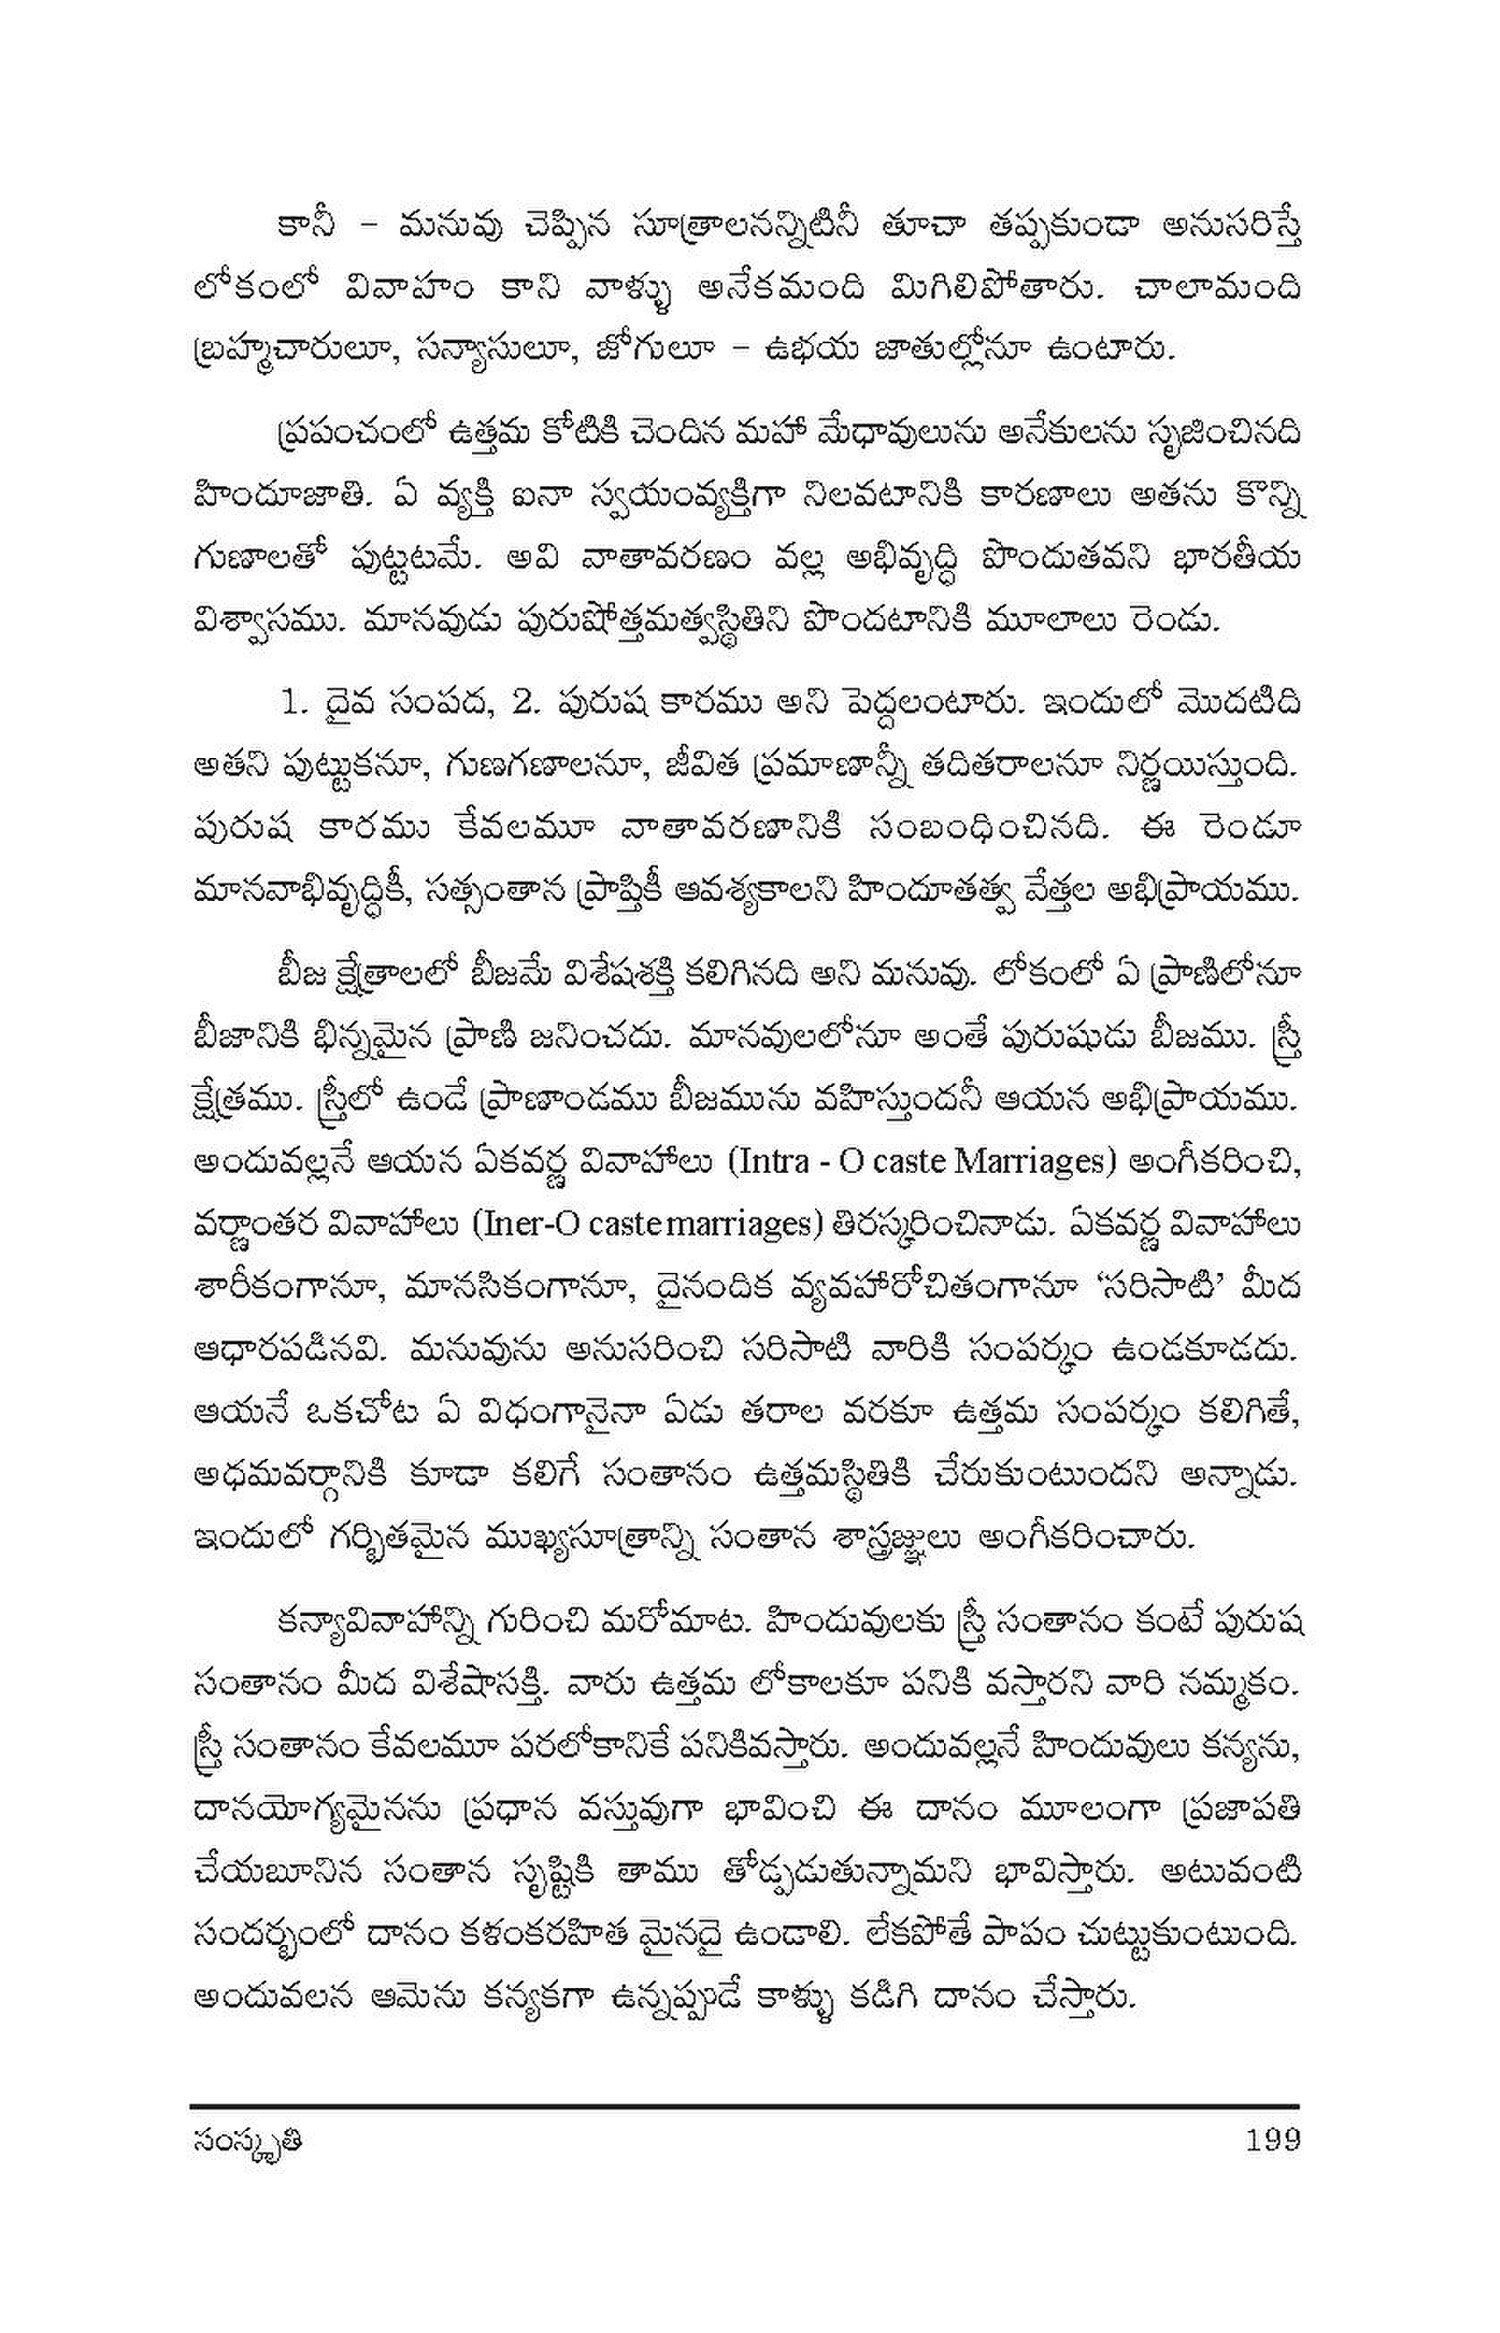కానీ మనువు చెప్పిన సూత్రాలనన్నిటినీ తూచా తప్పకుండా అనుసరిస్తే
లోకంలో వివాహం కాని వాళ్ళు అనేకమంది మిగిలిపోతారు. చాలామంది
బ్రహ్మచారులూ, సన్యాసులూ, జోగులూ - ఉభయ జాతుల్లోనూ ఉంటారు.

ప్రపంచంలో ఉత్తమ కోటికి చెందిన మహా మేధావులును అనేకులను సృజించినది
హిందూజాతి. ఏ వ్యక్తి ఐనా స్వయంవ్యక్తిగా నిలవటానికి కారణాలు అతను కొన్ని
గుణాలతో పుట్టటమే. అవి వాతావరణం వల్ల అభివృద్ధి పొందుతవని భారతీయ
విశ్వాసము. మానవుడు పురుషోత్తమత్వస్థితిని పొందటానికి మూలాలు రెండు.

1. దైవ సంపద, 2. పురుష కారము అని పెద్దలంటారు. ఇందులో మొదటిది
అతని పుట్టుకనూ, గుణగణాలనూ, జీవిత ప్రమాణాన్నీ తదితరాలనూ నిర్ణయిస్తుంది.
పురుష కారము కేవలము వాతావరణానికి సంబంధించినది. ఈ రెండూ
మానవాభివృద్ధికీ, సత్సంతాన ప్రాప్తికీ ఆవశ్యకాలని హిందూతత్వ వేత్తల అభిప్రాయము.

బీజ క్షేత్రాలలో బీజమే విశేషశక్తి కలిగినది అని మనువు. లోకంలో ఏ ప్రాణిలోనూ
బీజానికి భిన్నమైన ప్రాణి జనించదు. మానవులలోనూ అంతే పురుషుడు బీజము. స్త్రీ
క్షేత్రము. స్త్రీలో ఉండే ప్రాణాండము బీజమును వహిస్తుందనీ ఆయన అభిప్రాయము.
అందువల్లనే ఆయన ఏకవర్ణ వివాహాలు (Intra - O caste Marriages) అంగీకరించి,
వర్ణాంతర వివాహాలు (Iner O caste marriages) తిరస్కరించినాడు. ఏకవర్ణ వివాహాలు
శారీకంగానూ, మానసికంగానూ, దైనందిక వ్యవహారోచితంగానూ 'సరిసాటి' మీద
ఆధారపడినవి. మనువును అనుసరించి సరిసాటి వారికి సంపర్కం ఉండకూడదు.
ఆయనే ఒకచోట ఏ విధంగానైనా ఏడు తరాల వరకూ ఉత్తమ సంపర్కం కలిగితే,
అధమవర్గానికి కూడా కలిగే సంతానం ఉత్తమస్థితికి చేరుకుంటుందని అన్నాడు.
ఇందులో గర్భితమైన ముఖ్యసూత్రాన్ని సంతాన శాస్త్రజ్ఞులు అంగీకరించారు.

కన్యావివాహాన్ని గురించి మరోమాట. హిందువులకు స్త్రీ సంతానం కంటే పురుష
సంతానం మీద విశేషాసక్తి. వారు ఉత్తమ లోకాలకూ పనికి వస్తారని వారి నమ్మకం.
స్త్రీ సంతానం కేవలమూ పరలోకానికే పనికివస్తారు. అందువల్లనే హిందువులు కన్యను,
దానయోగ్యమైనను ప్రధాన వస్తువుగా భావించి ఈ దానం మూలంగా ప్రజాపతి
చేయబూనిన సంతాన సృష్టికి తాము తోడ్పడుతున్నామని భావిస్తారు. అటువంటి
సందర్భంలో దానం కళంకరహిత మైనదై ఉండాలి. లేకపోతే పాపం చుట్టుకుంటుంది.
అందువలన ఆమెను కన్యకగా ఉన్నప్పుడే కాళ్ళు కడిగి దానం చేస్తారు.